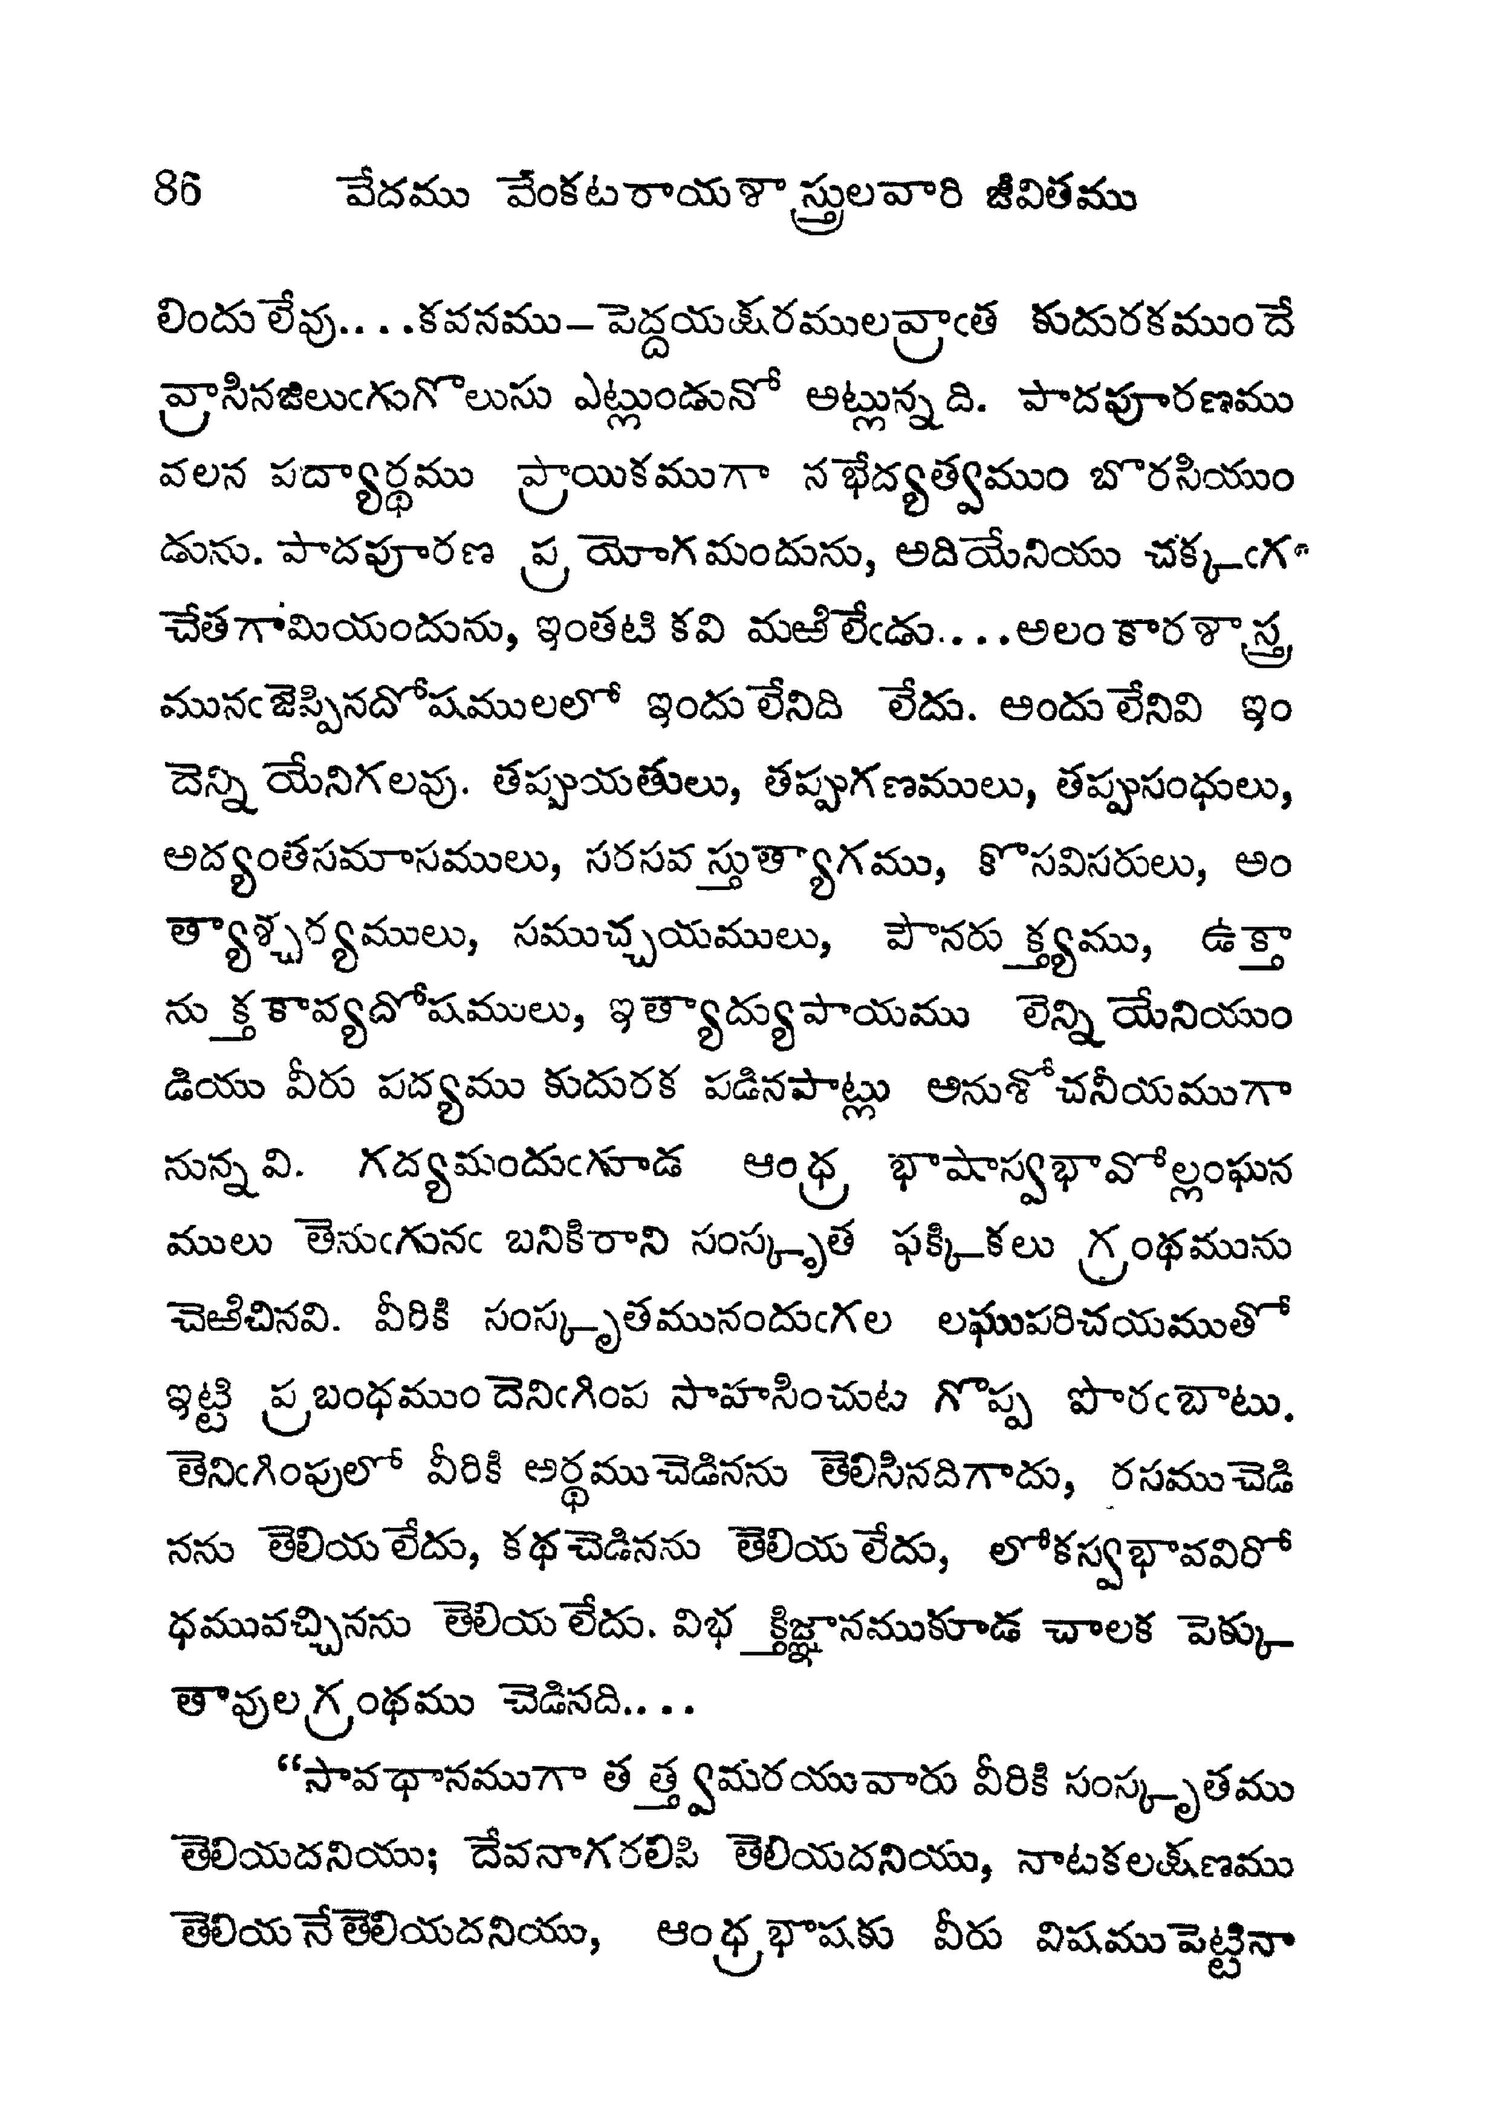లిందులేవు....కవనము-పెద్దయక్షరములవ్రాత కుదురకముందే వ్రాసిన జిలుగు గొలుసు ఎట్లుండునో అట్లున్నది. పాదపూరణము వలన పద్యార్థము ప్రాయికముగా నభేద్యత్వముం బొరసియుండును. పాదపూరణ ప్రయోగమందును, అదియేనియు చక్కగ చేతగామియందును, ఇంతటి కవి మఱిలేడు.... అలంకారశాస్త్రమున జెప్పినదోషములలో ఇందులేనిది లేదు. అందులేనివి ఇందెన్ని యేనిగలవు. తప్పుయతులు, తప్పుగణములు, తప్పుసంధులు, అద్యంతసమాసములు, సరసవస్తుత్యాగము, కొసవిసరులు, అంత్యాశ్చర్యములు, సముచ్చయములు, పౌనరుక్త్యము, ఉక్తానుక్తకావ్యదోషములు, ఇత్యాద్యుపాయము లెన్నియేనియుండియు వీరు పద్యము కుదరక పడినపాట్లు అనుశోచనీయముగా నున్నవి. గద్యమందుగూడ ఆంధ్ర భాషాస్వభావోల్లంఘనములు తెనుగున బనికిరాని సంస్కృత ఫక్కికలు గ్రంథమును చెఱిచినవి. వీరికి సంస్కృతమునందుగల లఘుపరిచయముతో ఇట్టి ప్రబంధముందెనిగింప సాహసించుట గొప్ప పొరబాటు. తెనిగింపులో వీరికి అర్థము చెడినను తెలిసినదిగాదు, రసముచెడినను తెలియలేదు. కథచెడినను తెలియలేదు. లోకస్వభావవిరోధమువచ్చినను తెలియ లేదు. విభక్తిజ్ఞానముకూడ చాలక పెక్కుతావులగ్రంథము చెడినది.....

"సావధానముగా తత్త్వమరయువారు వీరికి సంస్కృతము తెలియదనియు; దేవనాగరలిపి తెలియదనియు, నాటకలక్షణము తెలియనేతెలియదనియు, ఆంధ్రభాషకు వీరు విషముపెట్టినా